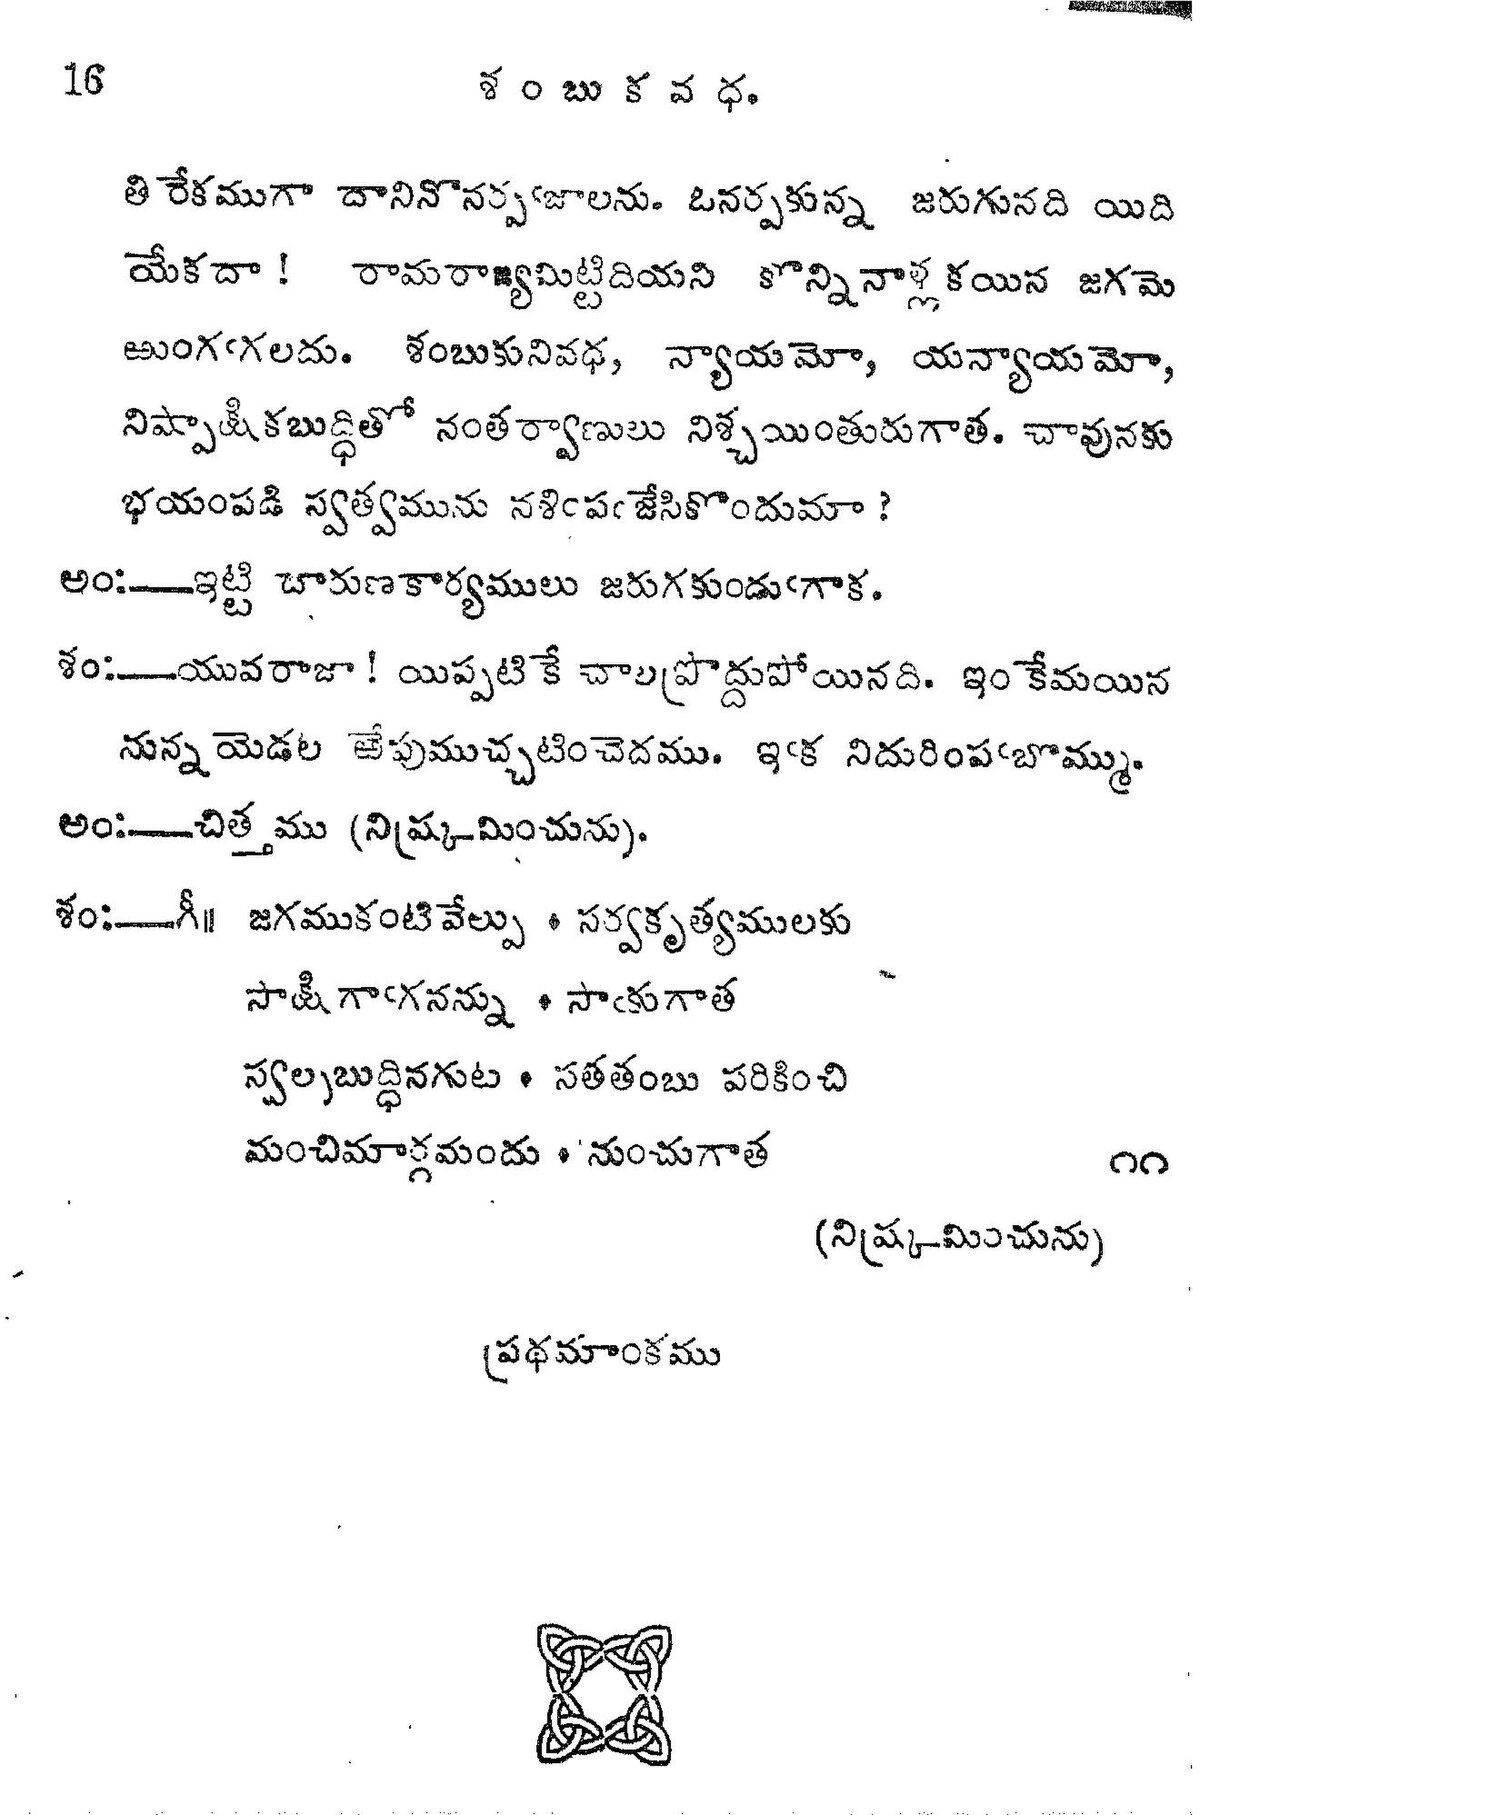తి రేకముగా దానినొనర్పఁజాలను. ఓనర్పకున్న జరుగునది యిది
 యేకదా ! రామరాజ్య మిట్టిదియని కొన్ని నాళ్లకయిన జగమె
 బుంగఁగలదు. శంబుకునివధ, న్యాయమో, యన్యాయమో,
 నిస్పాక్షి కబుద్ధితో నంత ర్వాణులు నిశ్చయింతురుగాత. చావునకు
 భయంపడి స్వత్వమును నశింపఁ జేసికొందుమా ?

అం:- ఇట్టి దారుణ కార్యములు జరుగకుండుఁగాక.

శం: యువరాజు ! యిప్పటికే చాల ప్రొద్దుపోయినది. ఇంకేమయిన
 నున్న యెడల జేపుముచ్చటించెదము. ఇంక నిదురింప బొమ్ము,

అం:- చిత్త ము (నిష్క్రమించును).

 శం:_ గీ|| జగముకంటి వేల్పు • సర్వకృత్యములకు
 సాక్షి గాఁగనన్ను • సాకుగాత
 స్వల్ప బుద్ధినగుట • సతతంబు పరికించి
 మంచిమార్గమందు * నుంచుగాత....................11
(నిష్క్రమించును)